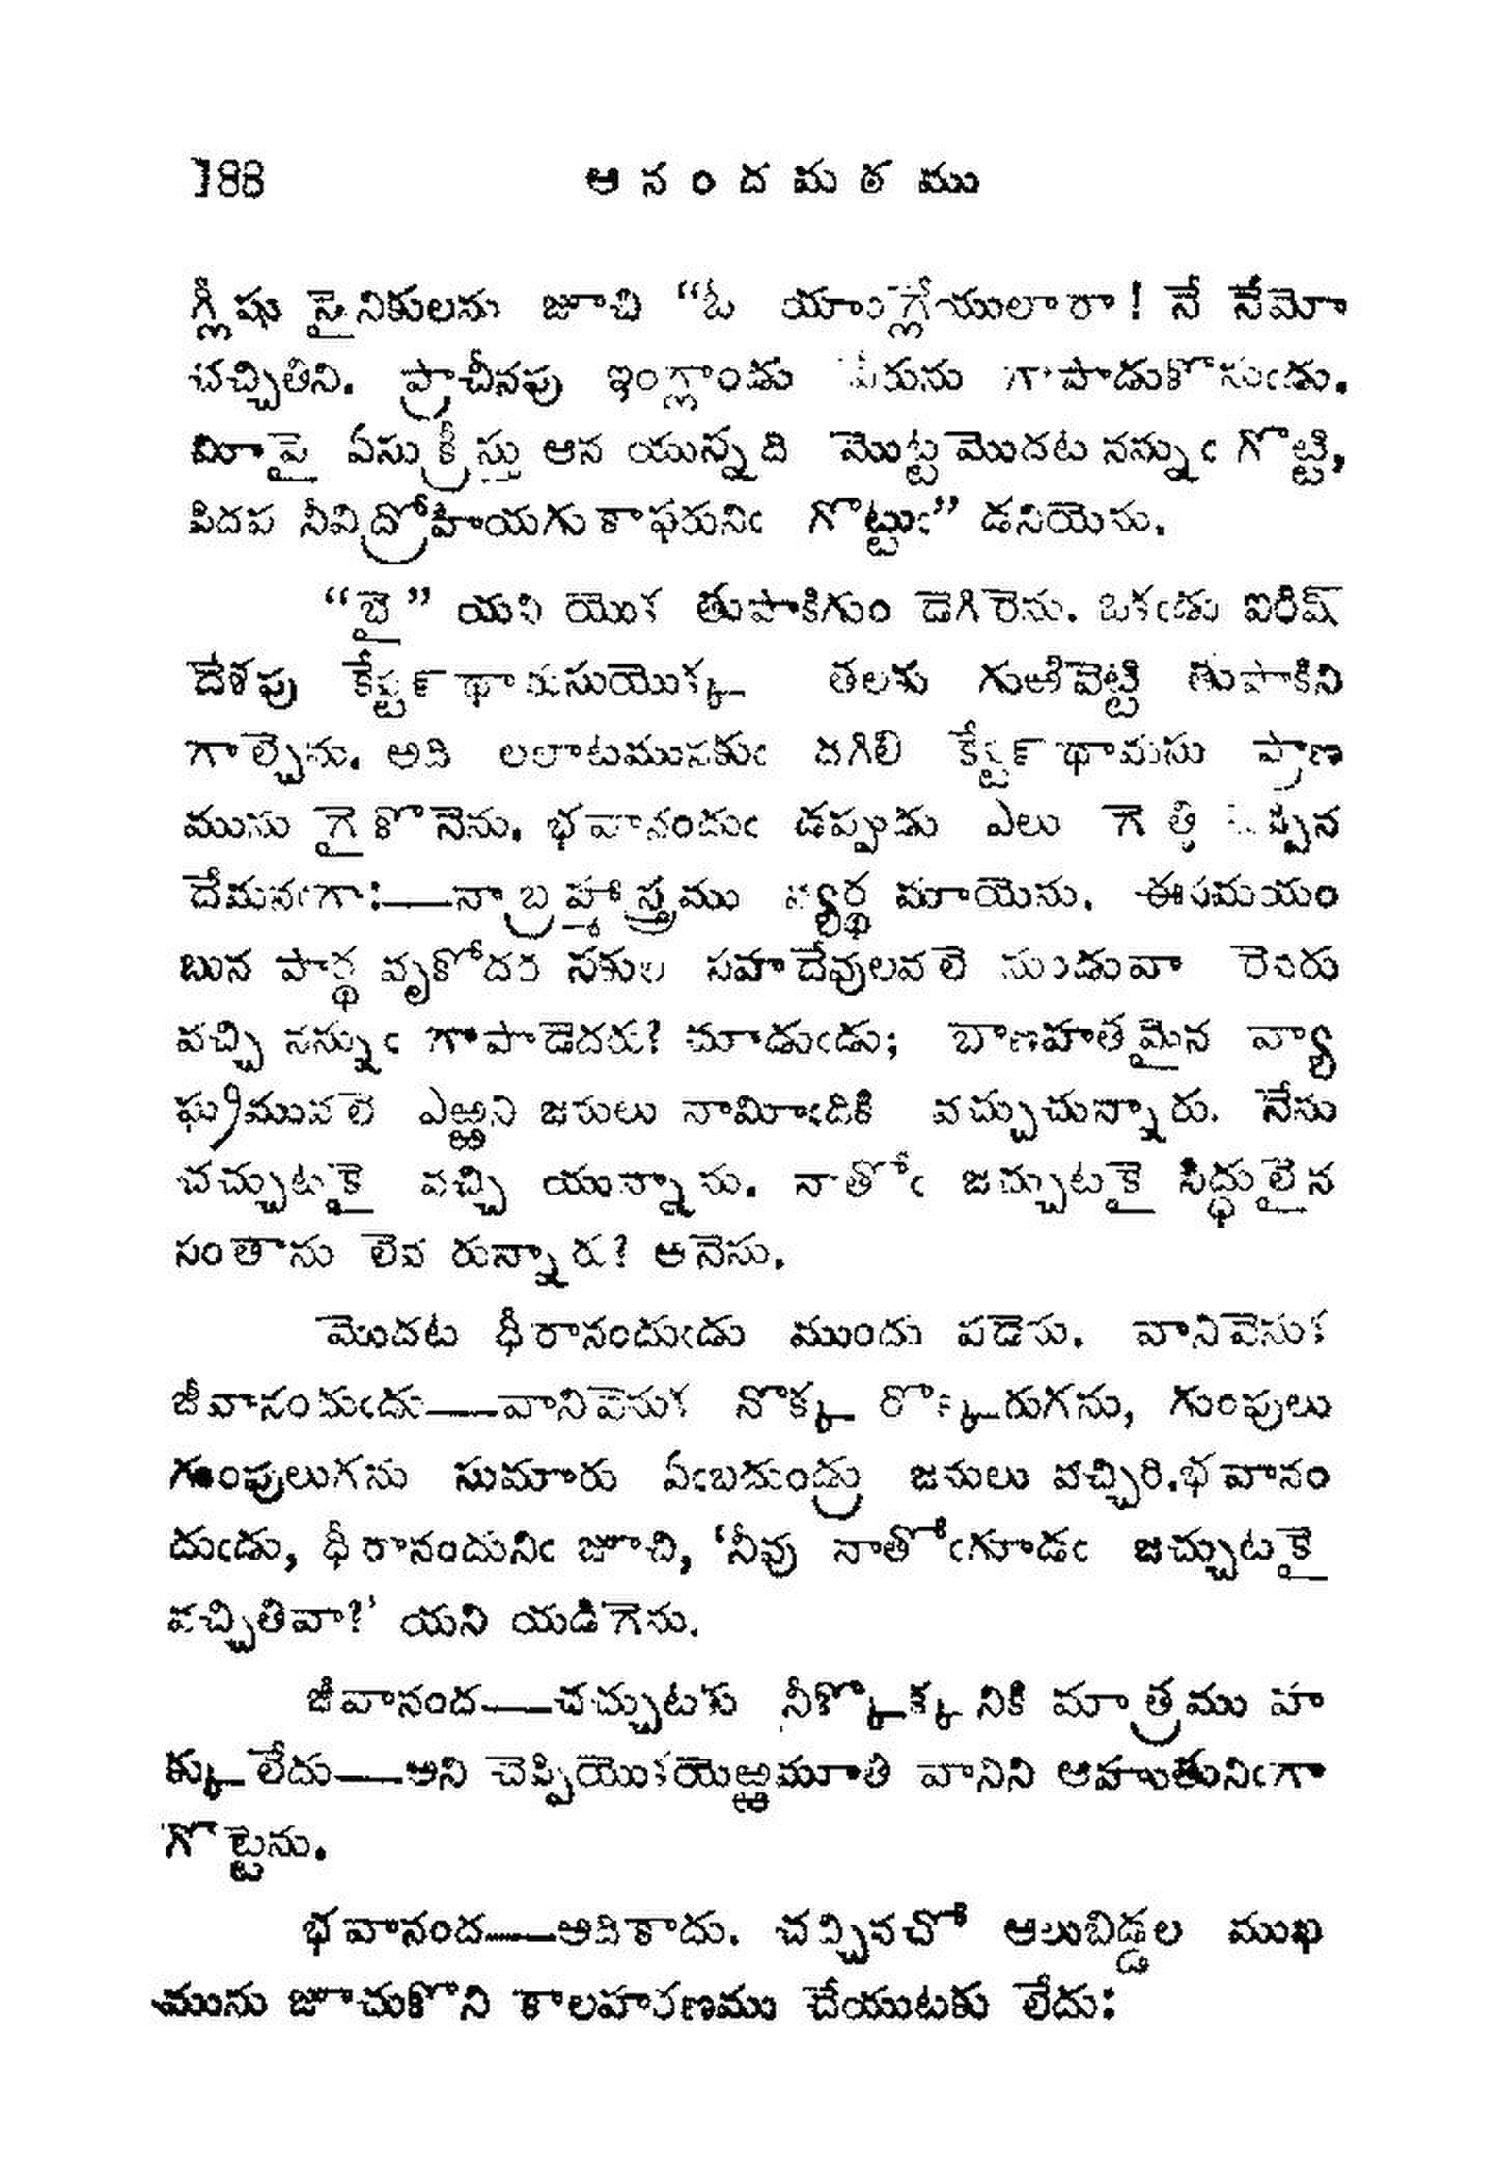గ్లీషు సైనికులను జూచి "ఓ యాంగ్లేయులారా ! నే నేమో చచ్చితిని. ప్రాచీనపు ఇంగ్లాండు పేరును గాపాడుకోనుఁడు.
మీపై ఏసు క్రీస్తు ఆన యున్నది. మొట్టమొదట నన్నుఁ గొట్టి పిదప నీవిద్రోహియగు కాఫరునిఁ గొట్టుఁ" డనియెను.

"బై" యని యొక తుపాకిగుం డెగిరెను. ఒకఁడు ఐరిష్ దేశపు కేప్ట౯ థామసు యొక్క తలకు గుణి పెట్టి తుపాకిని
గాల్చేను. అవి లలాటమునకుఁ దగిలి కేప్ట౯ థామసు ప్రాణమును గైకొనెను. భవానందు డప్పుడు ఎలు గెత్తి చెప్పిన
దేమనగా:— నా బ్రహ్మస్త్రము వ్యర్థ మాయెను. ఈ సమయంబున పార్థ వృకోదర నకుల సహదేవులవలే నుండువా రెవరు
వచ్చి నన్ను గాపాడెదరు? చూడుఁడు; బాణహతమైన వ్యాఘ్రమువలే ఎఱ్ఱని జనులు నామీఁదికి వచ్చుచున్నారు. 'నేను
చచ్చుటకై వచ్చి యున్నాను. నాతోఁ జచ్చుటకై సిద్ధులైన సంతాను లెవ రున్నారు? అనెను.

మొదట ధీరానందుఁడు ముందు పడెను. వానివెనుక జీవానందుఁడు——వాని వెనుక నొక్క రోక్కరుగను, గుంపులు గుంపులుగను సుమారు ఏఁబదుండ్రు జనులు వచ్చిరి.భవానందుఁడు, ధీరానందునిఁ జూచి, 'నీవు నాతోఁగూడఁ జచ్చుటకై వచ్చితివా!' యని యడిగెను.

జీవానంద——చచ్చుటకు నీక్కొక్క నికి మాత్రము హక్కు లేదు——అని చెప్పి యొకయెఱ్ఱమూతి వానిని ఆహుతునిఁగా గొట్టెను.

భవానంద——అది కాదు. చచ్చినచో ఆలుబిడ్డల ముఖమును జూచుకొని కాలహరణము చేయుటకు లేదు: